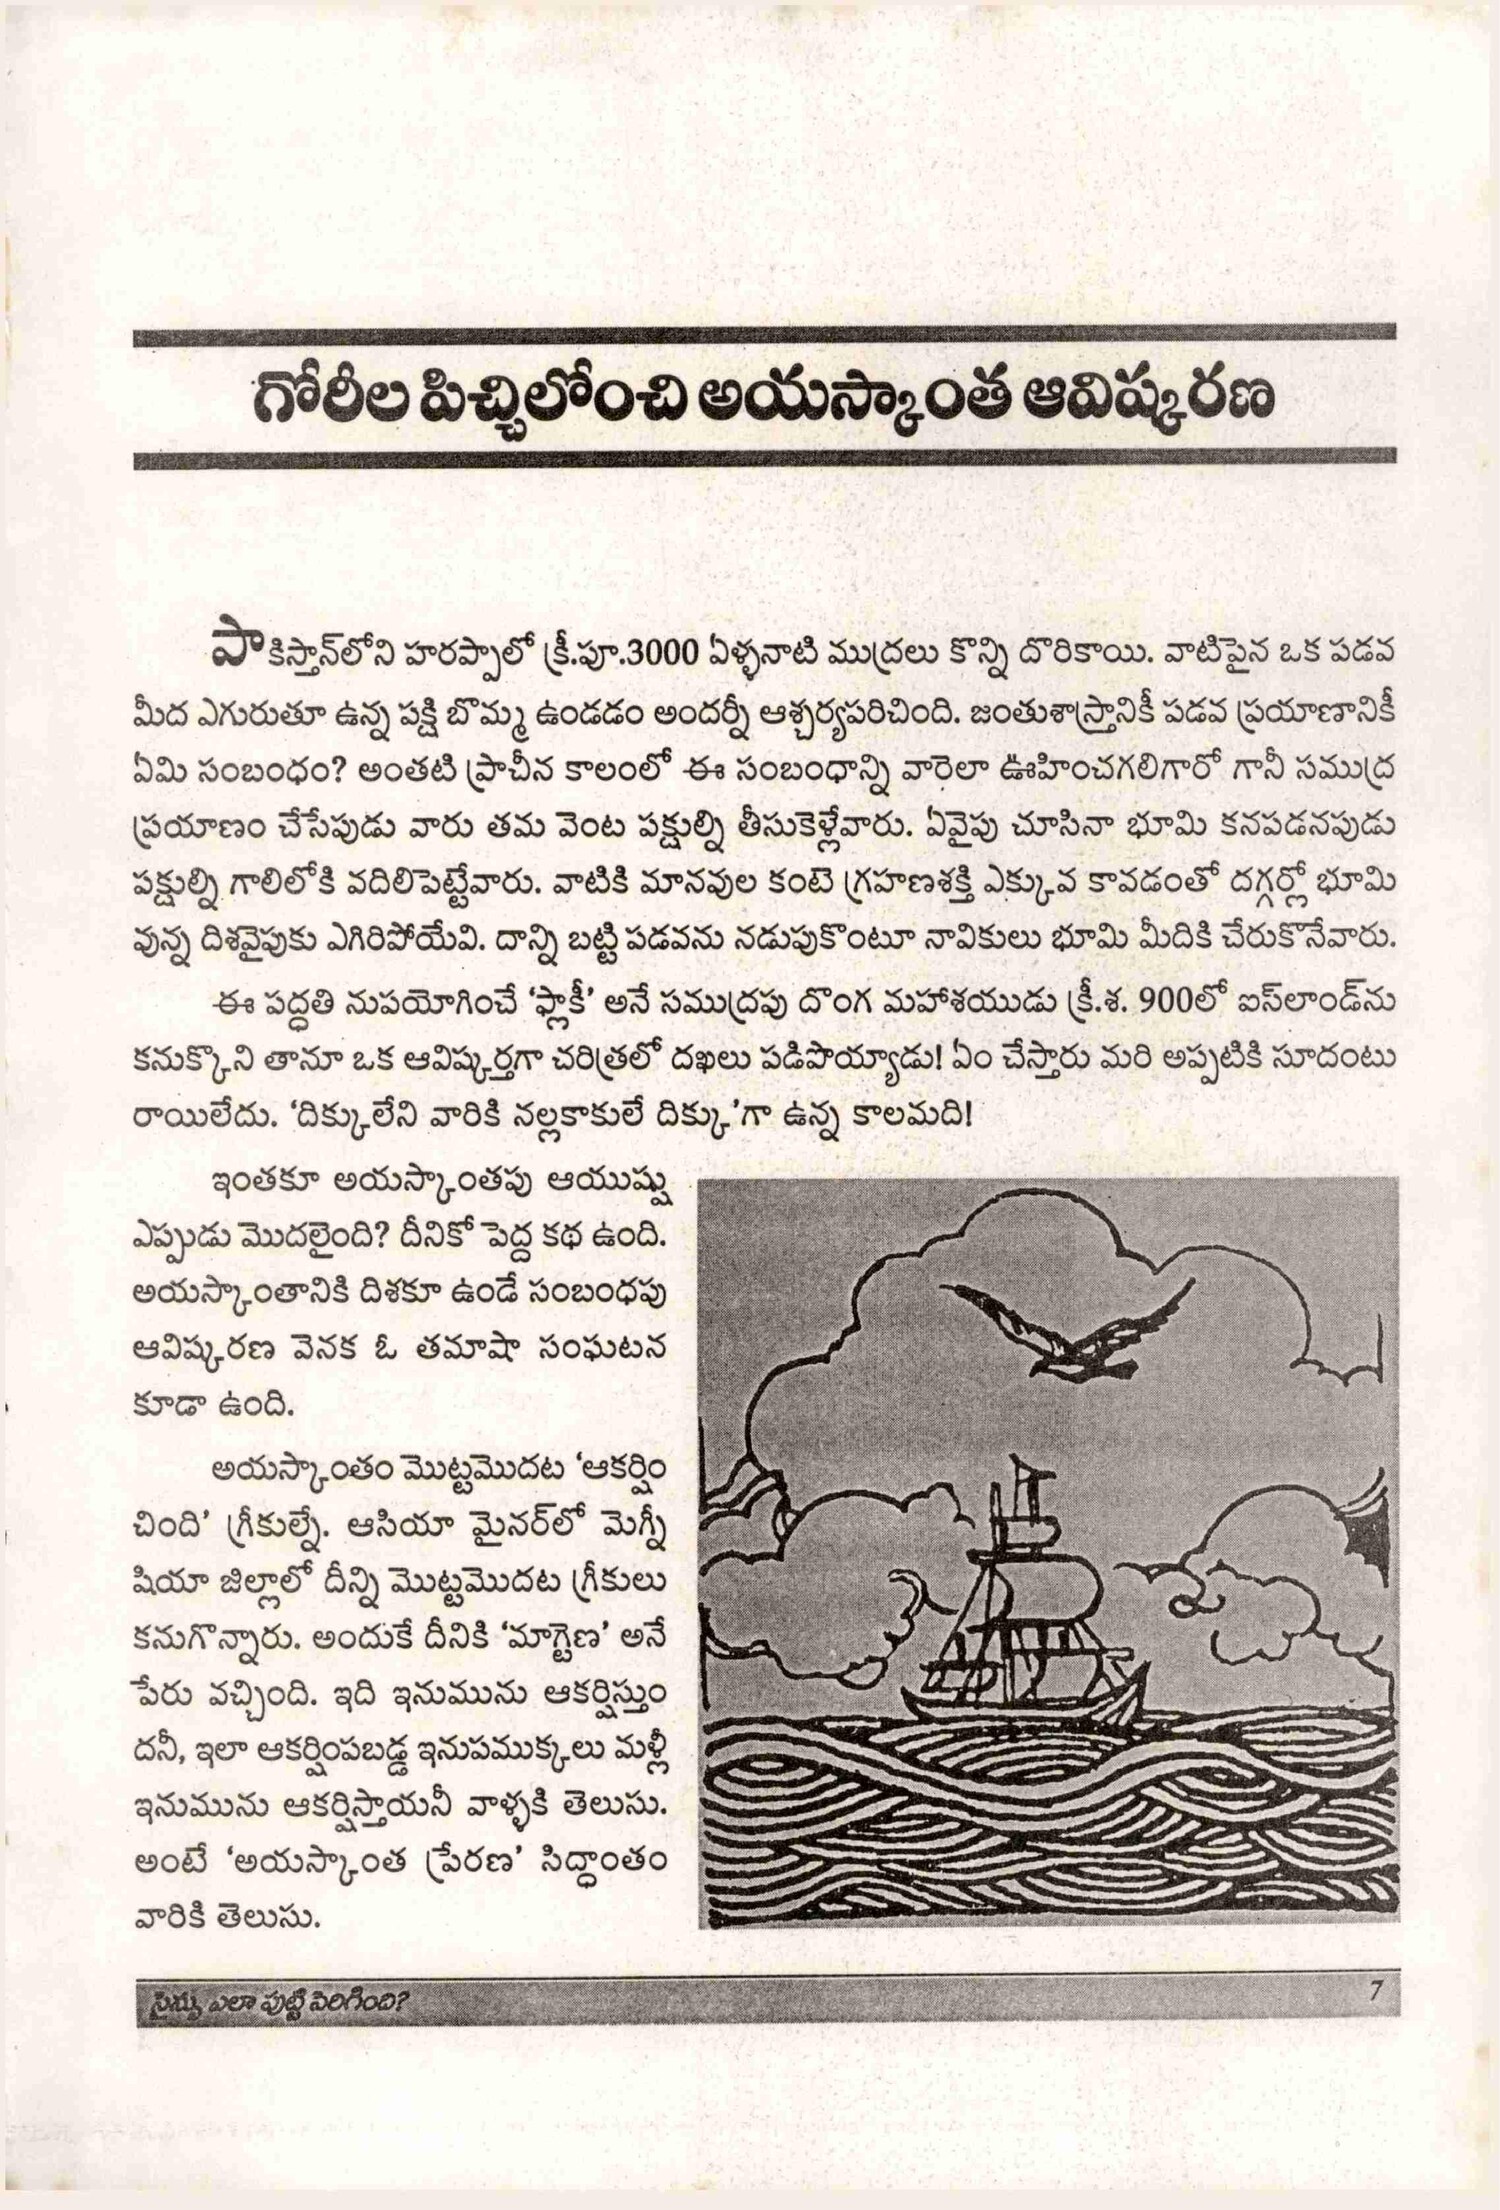గోరీల పిచ్చిలోంచి అయస్కాంత ఆవిష్కరణ

పాకిస్తాన్‌లోని హరప్పాలో క్రీ.పూ.3000 ఏళ్ళనాటి ముద్రలు కొన్ని దొరికాయి. వాటిపైన ఒక పడవ మీద ఎగురుతూ ఉన్న పక్షి బొమ్మ ఉండడం అందర్నీ ఆశ్చర్యపరిచింది. జంతుశాస్త్రానికీ పడవ ప్రయాణానికీ ఏమి సంబంధం? అంతటి ప్రాచీన కాలంలో ఈ సంబంధాన్ని వారెలా ఊహించగలిగారో గానీ సముద్ర ప్రయాణం చేసేపుడు వారు తమ వెంట పక్షుల్ని తీసుకెళ్లేవారు. ఏవైపు చూసినా భూమి కనపడనపుడు పక్షుల్ని గాలిలోకి వదిలిపెట్టేవారు. వాటికి మానవుల కంటె గ్రహణశక్తి ఎక్కువ కావడంతో దగ్గర్లో భూమి వున్న దిశవైపుకు ఎగిరిపోయేవి. దాన్ని బట్టి పడవను నడుపుకొంటూ నావికులు భూమి మీదికి చేరుకొనేవారు.

ఈ పద్ధతి నుపయోగించే 'ఫ్లాకీ' అనే సముద్రపు దొంగ మహాశయుడు క్రీ.శ. 900లో ఐస్‌లాండ్‌ను కనుక్కొని తానూ ఒక ఆవిష్కర్తగా చరిత్రలో దఖలు పడిపొయ్యాడు! ఏం చేస్తారు మరి అప్పటికి సూదంటు రాయిలేదు. 'దిక్కులేని వారికి నల్లకాకులే దిక్కు'గా ఉన్న కాలమది!

ఇంతకూ అయస్కాంతపు ఆయుష్షు ఎప్పుడు మొదలైంది? దీనికో పెద్ద కథ ఉంది. అయస్కాంతానికి దిశకూ ఉండే సంబంధపు ఆవిష్కరణ వెనక ఓ తమాషా సంఘటన కూడా ఉంది.

అయస్కాంతం మొట్టమొదట 'ఆకర్షించింది' గ్రీకుల్నే. ఆసియా మైనర్‌లో మెగ్నీషియా జిల్లాలో దీన్ని మొట్టమొదట గ్రీకులు కనుగొన్నారు. అందుకే దీనికి 'మాగ్టెణ' అనే పేరు వచ్చింది. ఇది ఇనుమును ఆకర్షిస్తుందనీ, ఇలా ఆకర్షింపబడ్డ ఇనుపముక్కలు మళ్లీ ఇనుమును ఆకర్షిస్తాయనీ వాళ్ళకి తెలుసు. అంటే 'అయస్కాంత ప్రేరణ' సిద్ధాంతం వారికి తెలుసు.